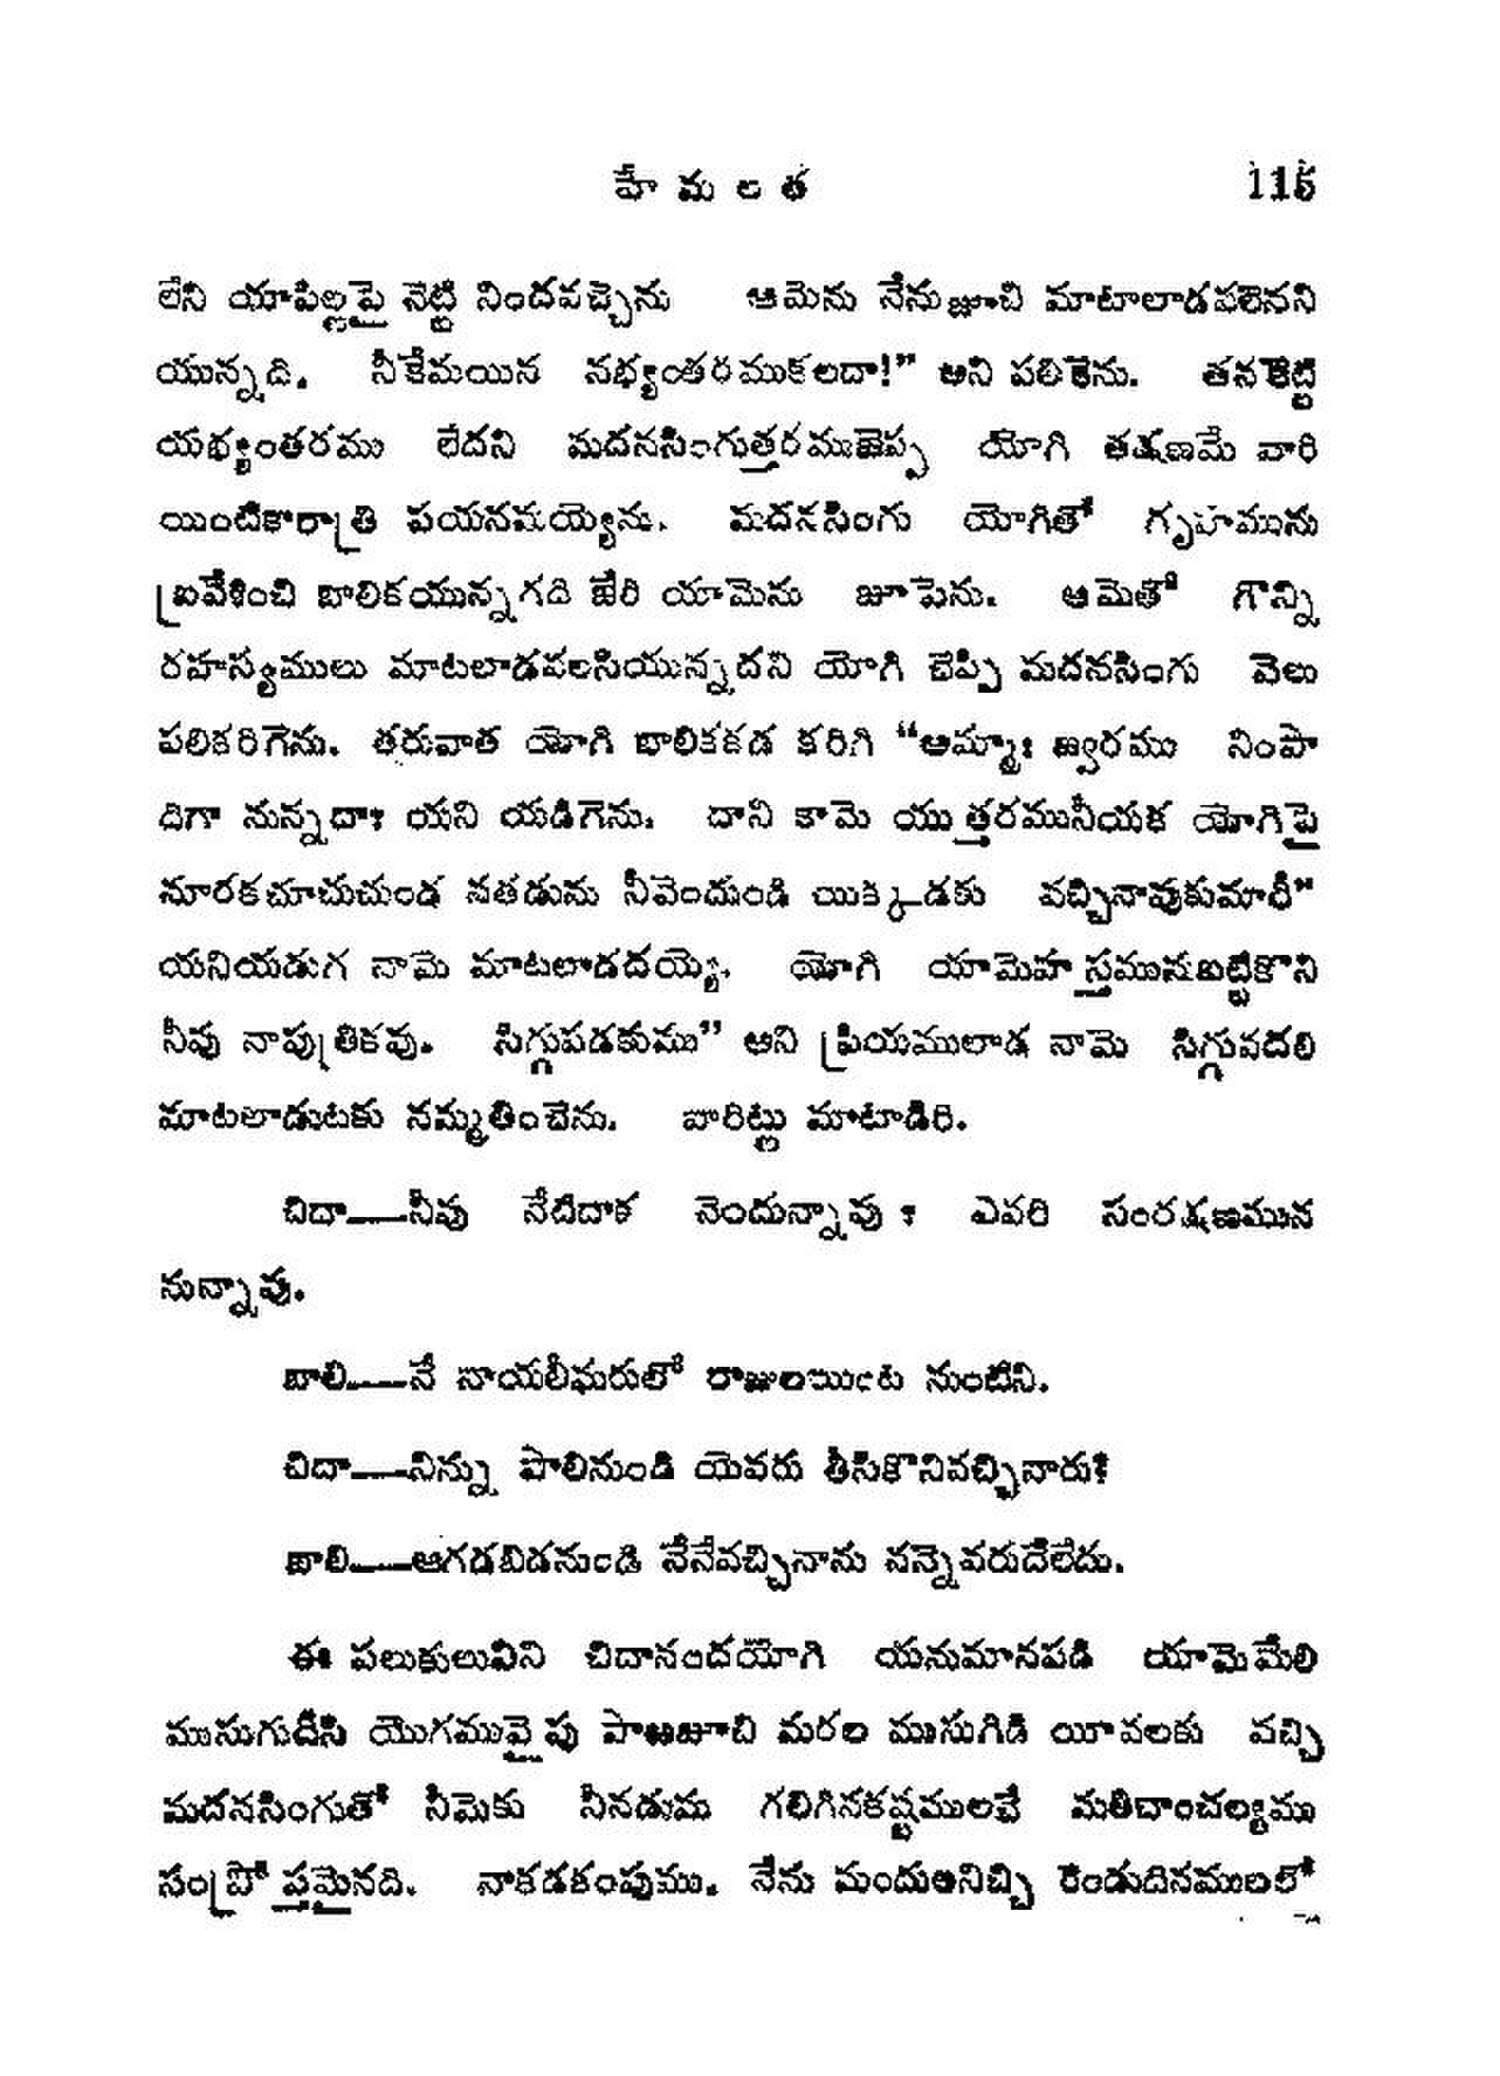లేని యాపిల్లపై నెట్టి నిందవచ్చెను. ఆమెను నేనుజూచి మాటలాడవలెనని యున్నది. నీకేమయిన నభ్యంతరముకలదా? అని పలికెను. తనకెట్టి యభ్యంతరము లేదని మదనసింగుత్తరముజెప్ప యోగి తక్షణమే వారియింటికారాత్రి పయనమయ్యెను. మదనసింగు యోగితో గృహమును బ్రవేశించి బాలిక యున్న గది జేరి యామెను జూపెను. ఆమెతో గొన్ని రహస్యములు మాటలాడవలసియున్నదని యోగి చెప్పి మదనసింగు వెలుపలికరిగెను. తరువాత యోగి బాలికకడ కరిగి “అమ్మా! జ్వరము నింపాదిగా నున్నదా? యని యడిగెను. దాని కామె యుత్తరము నీయక యోగిపై నూరకచూచుచుండ నతడును నీవెందుండి యిక్కడకు వచ్చినావుకుమారీ” యనియడుగ నామె మాటలాడదయ్యె. యోగి యామెహస్తమునబట్టుకొని నీవు నాపుత్రికవు. సిగ్గుపడకుము” అని ప్రియములాడ నామె సిగ్గువదలి మాటలాడుటకు సమ్మతించెను. వారిట్లు మాటాడిరి.

చిదా – నీవు నేటిదాక నెందున్నావు? ఎవరి సంరక్షణమున నున్నావు.

బాలి – నే నాయలీఘరులో రాజులయింట నుంటిని.

చిదా – నిన్ను పాలినుండి యెవరు తీసికొనివచ్చినారు?

బాలి – ఆగడబిడనుండి నేనే వచ్చినాను నన్నెవరు దేలేదు.

ఈ పలుకులువిని చిదానందయోగి యనుమానపడి యామె మేలిముసుగుదీసి మొగమువైపు పాఱజూచి మరల ముసుగిడి యీవలకు వచ్చి మదనసింగుతో నీమెకు నీనడుమ గలిగినకష్టములచే మతిచాంచల్యము సంప్రాప్తమైనది. నాకడకంపుము, నేను మందులనిచ్చి రెండుదినములలో